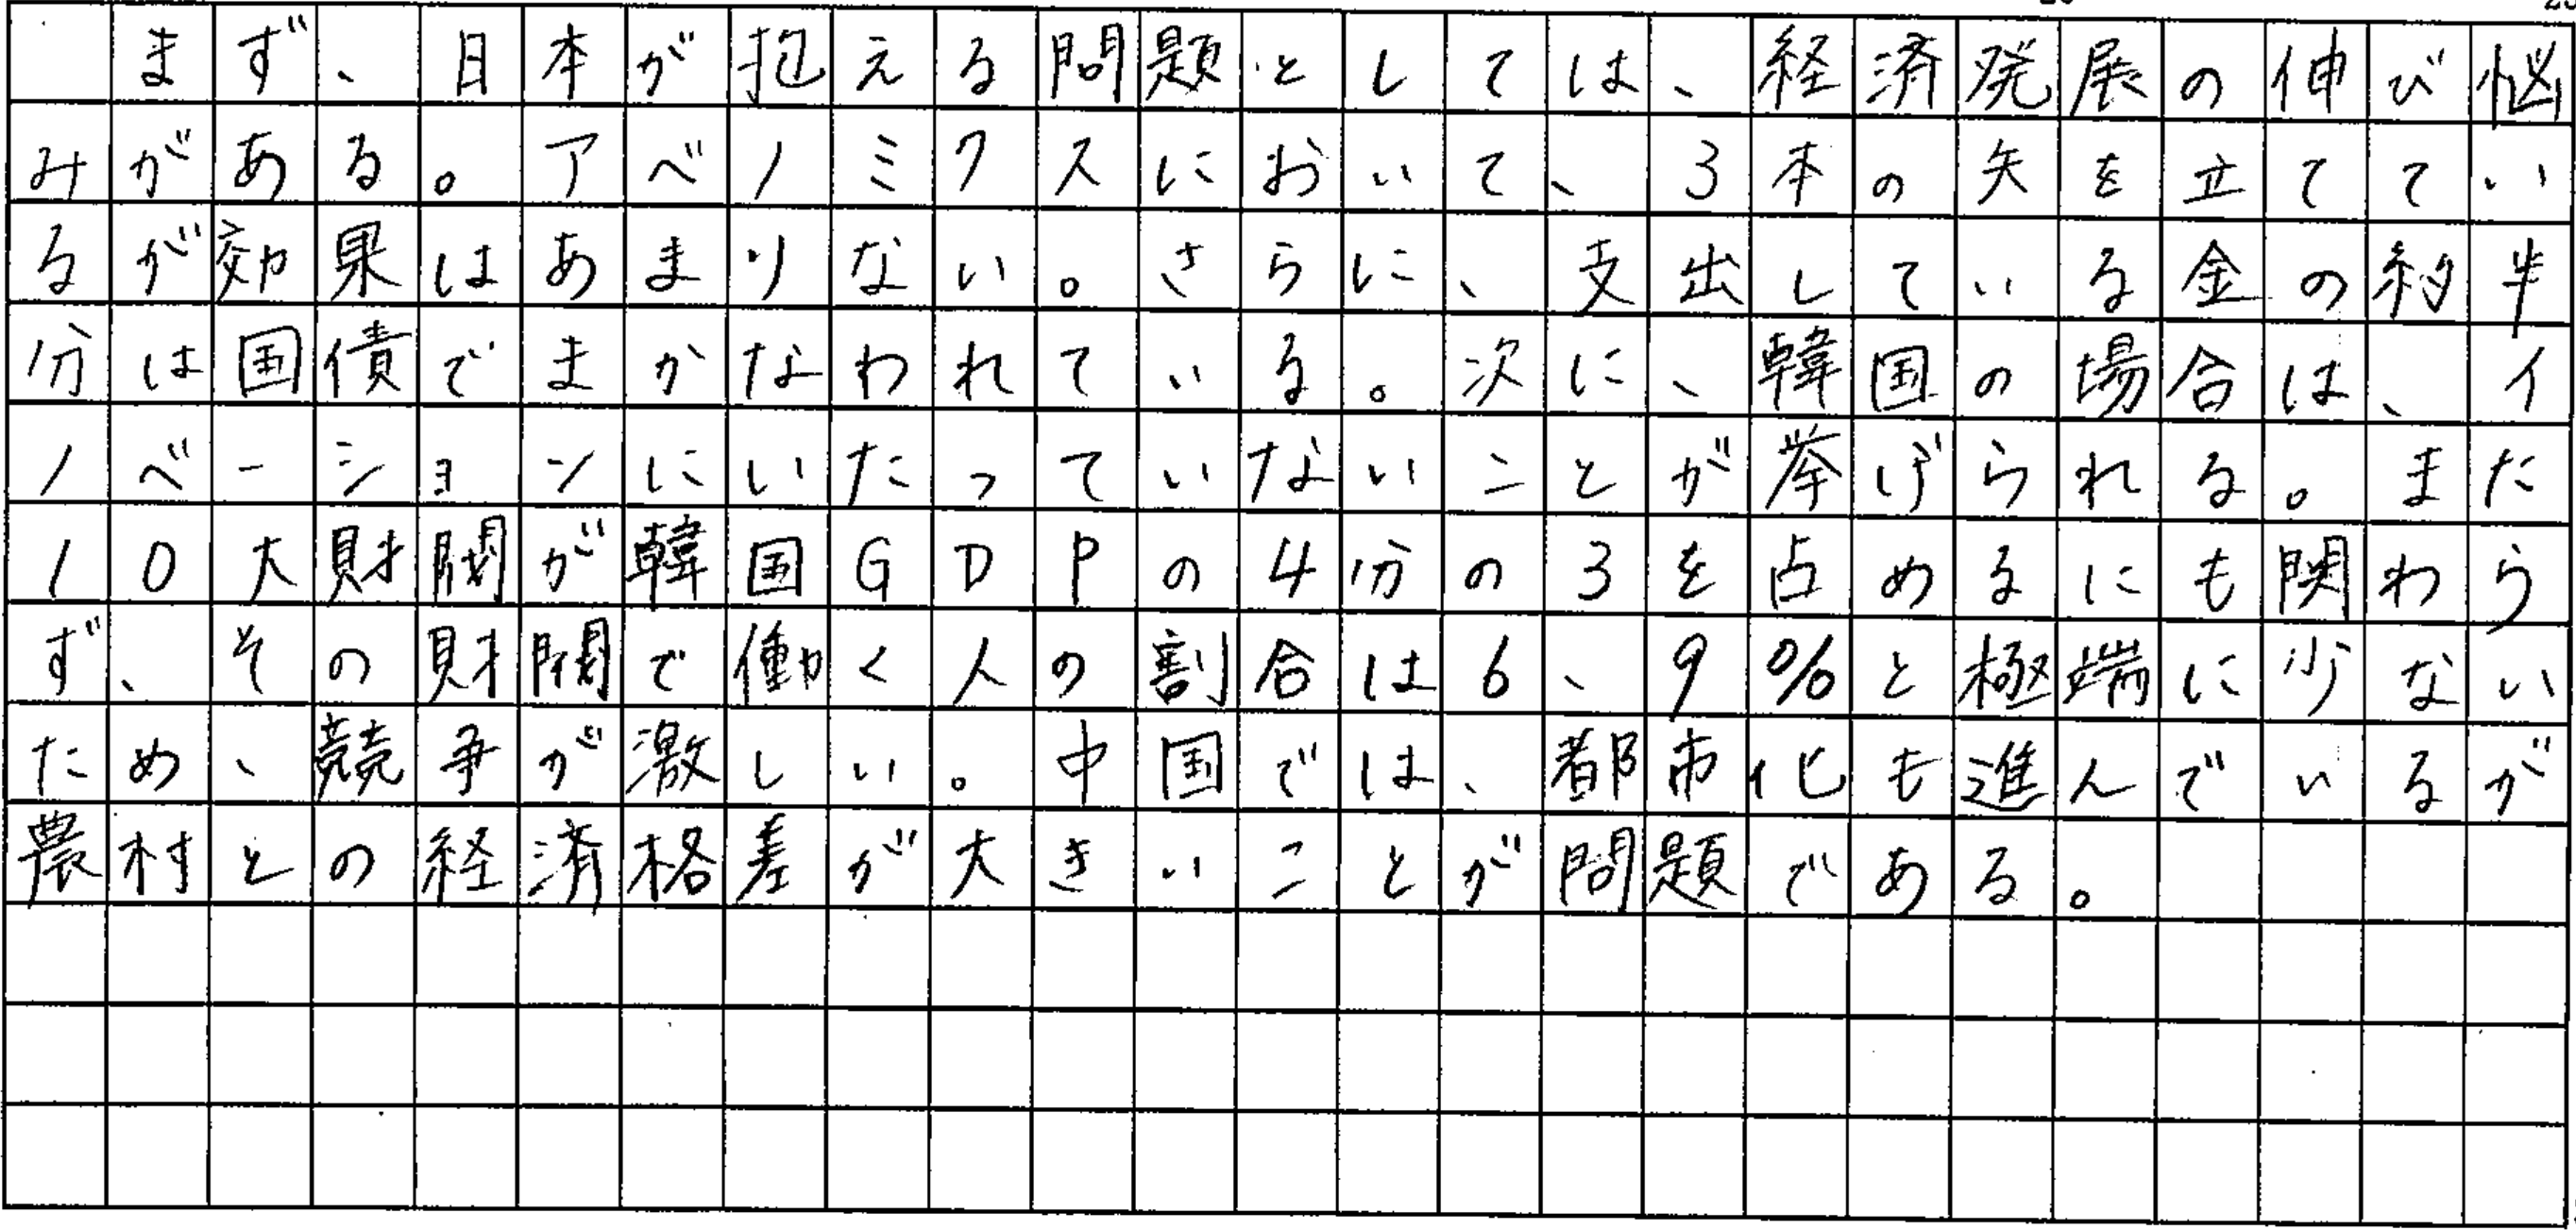　まず、日本が抱える問題としては、経済発展の伸び悩みがある。アベノミクスにおいて、３本の矢を立てているが効果はあまりない。さらに、支出している金の約半分は国債でまかなわれている。次に、韓国の場合は、イノベーションにいたっていないことが挙げられる。また１０大財閥が韓国ＧＤＰの４分の３を占めるにも関わらず、その財閥で働く人の割合は６．９％と極端に少ないため、競争が激しい。中国では、都市化も進んでいるが農村との経済格差が大きいことが問題である。
